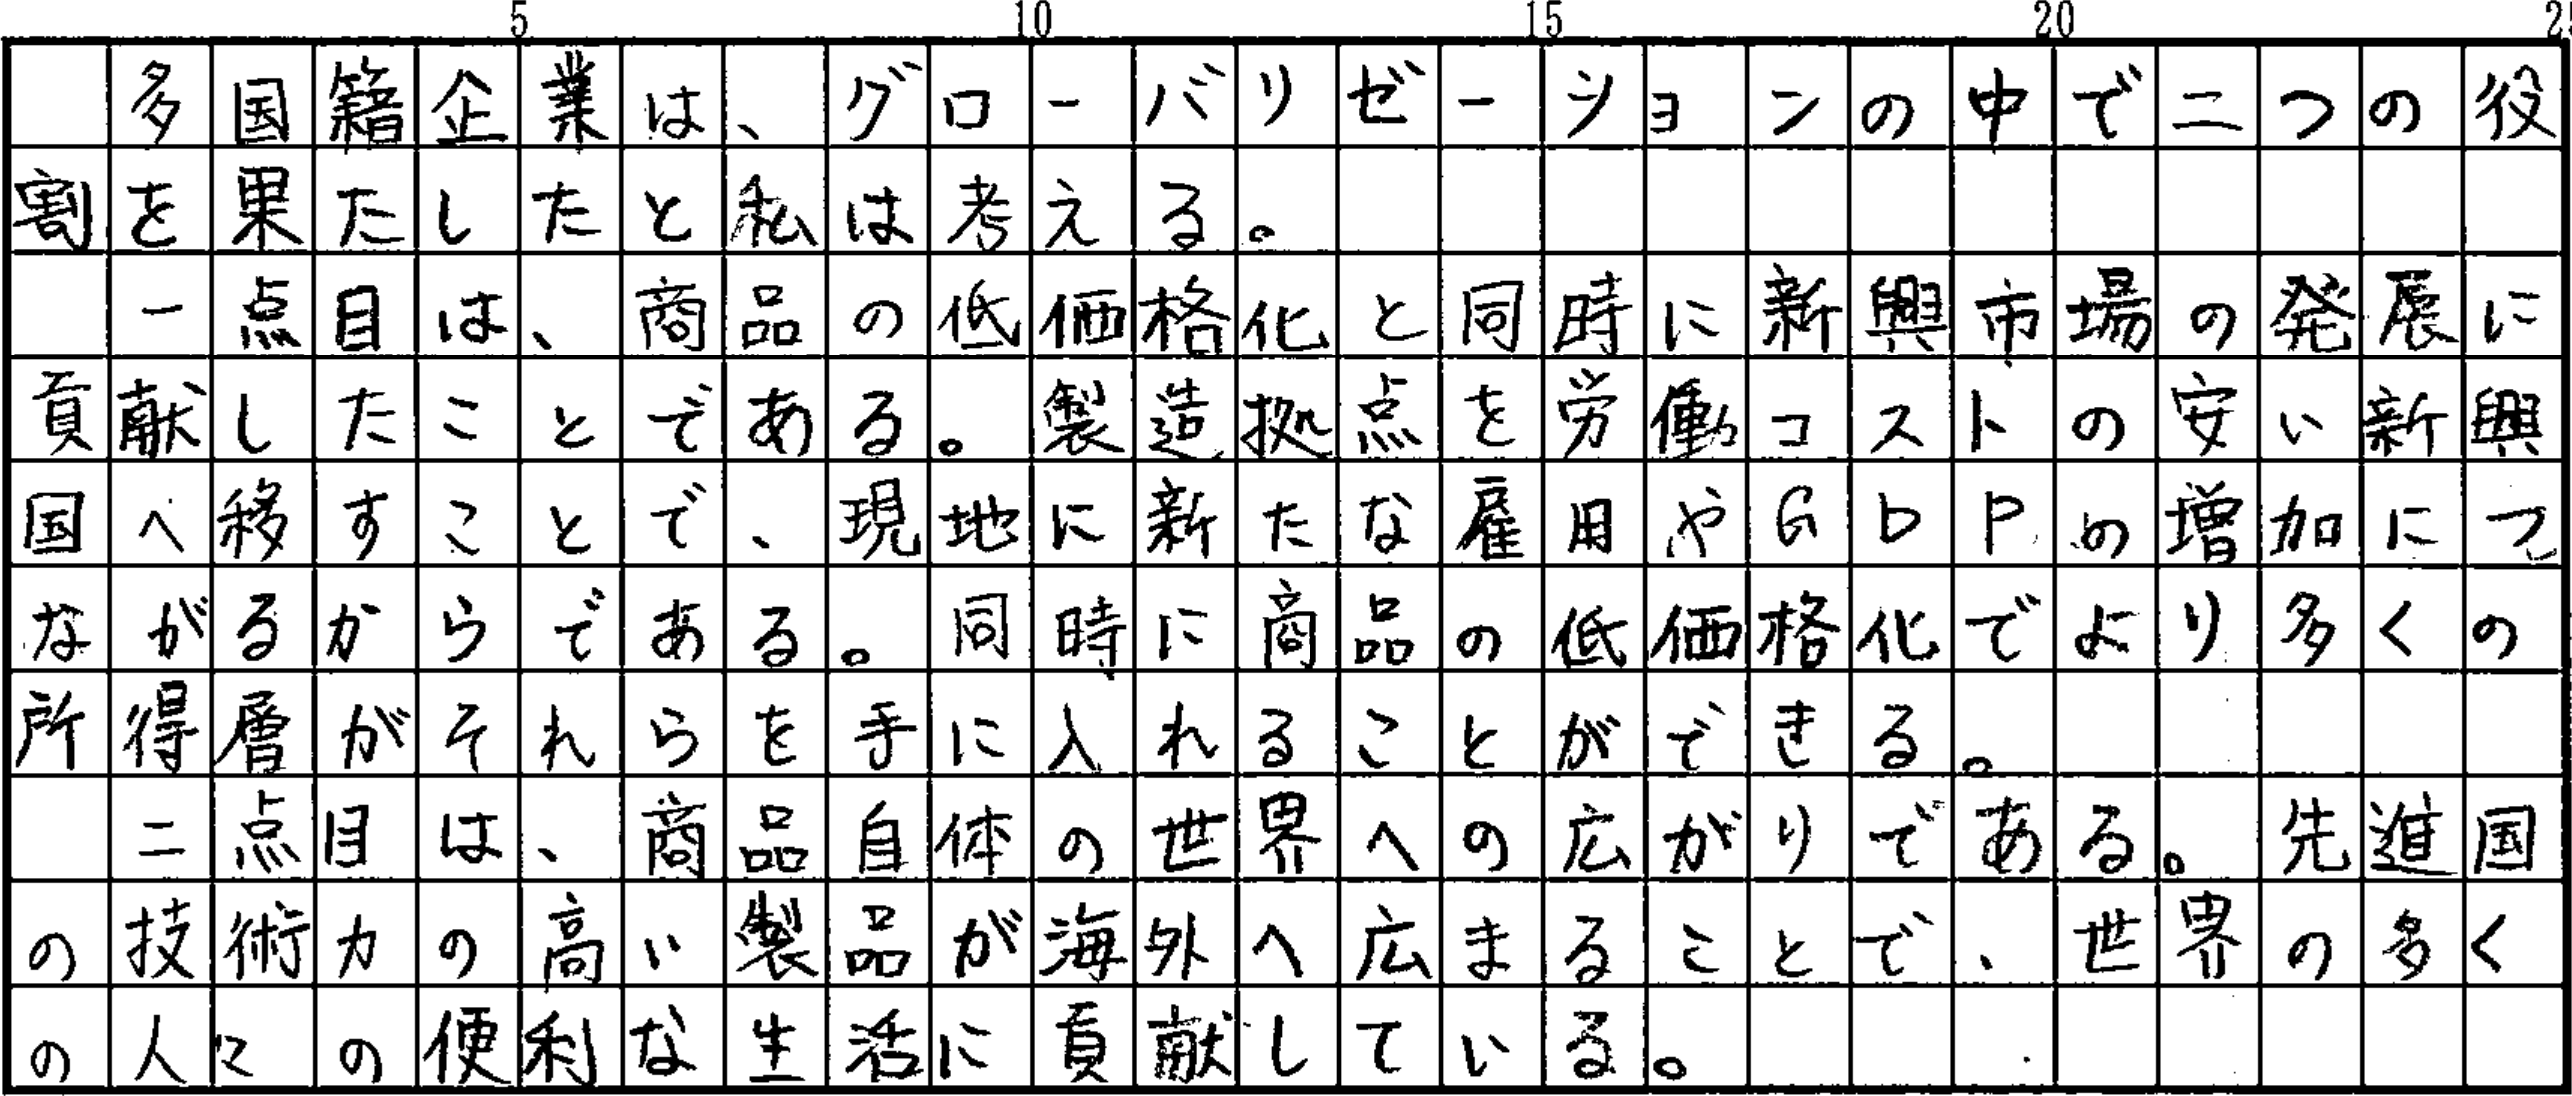　多国籍企業は、グローバリゼーションの中で二つの役割を果たしたと私は考える。
　一点目は、商品の低価格化と同時に新興市場の発展に貢献したことである。製造拠点を労働コストの安い新興国へ移すことで、現地に新たな雇用やＧＤＰの増加につながるからである。同時に商品の低価格化でより多くの所得層がそれらを手に入れることができる。
　二点目は、商品自体の世界への広がりである。先進国の技術力の高い製品が海外へ広まることで、世界の多くの人々の便利な生活に貢献している。
